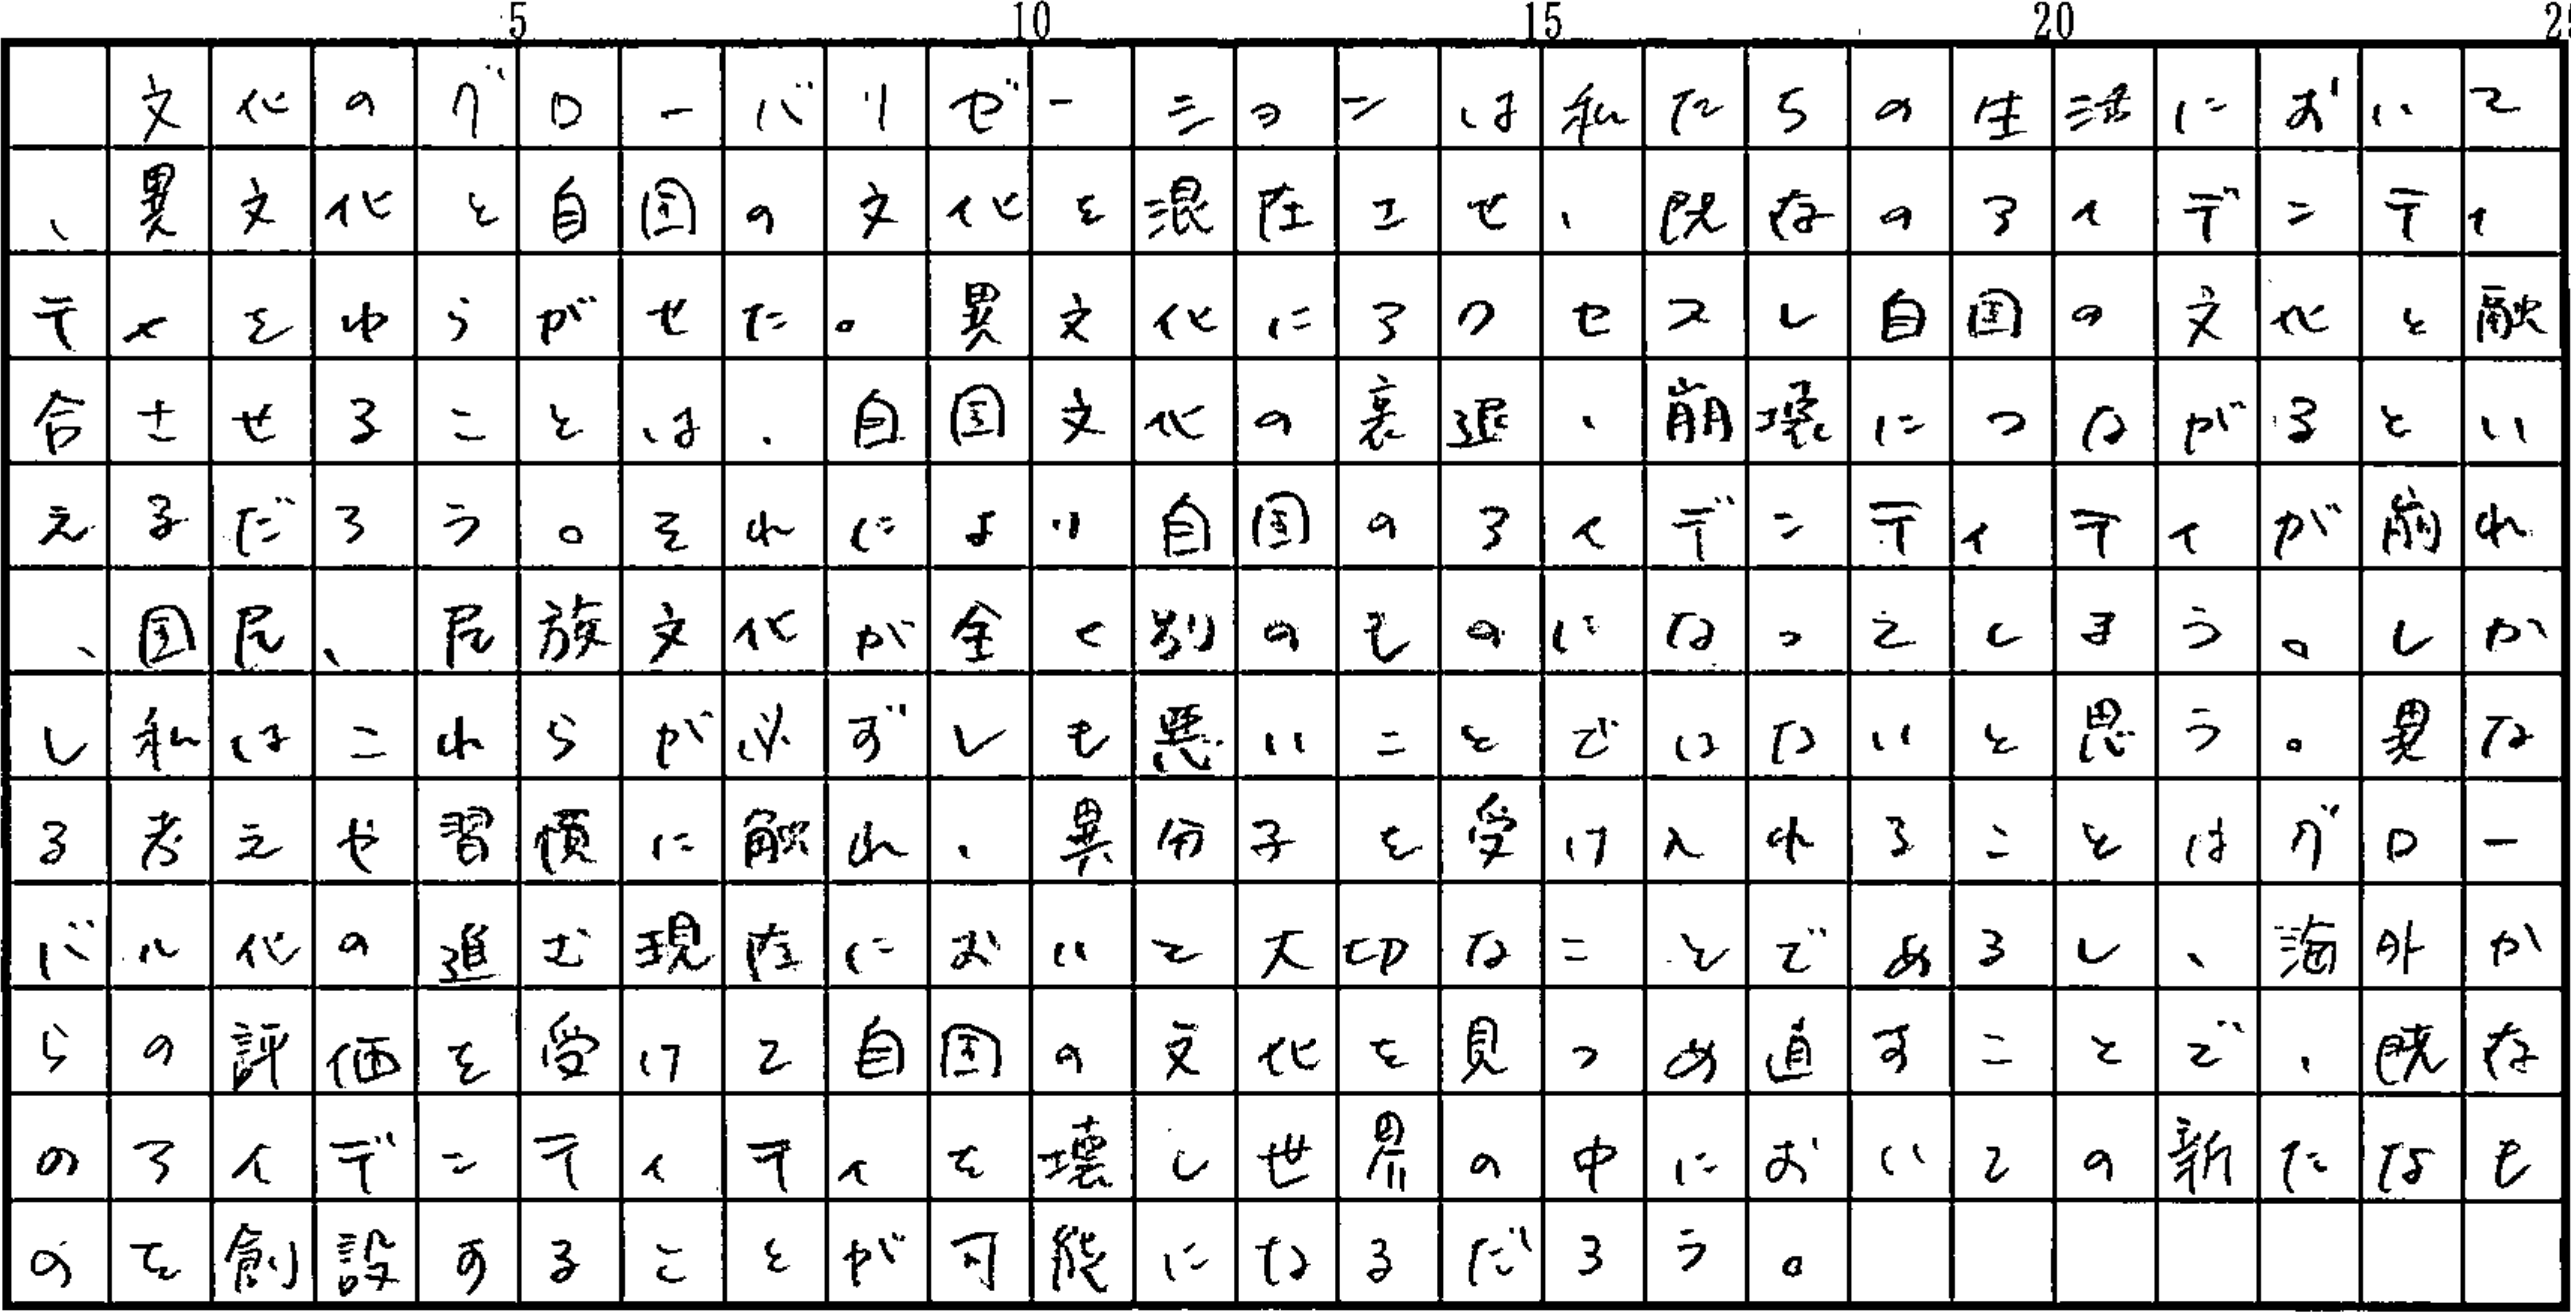　文化のグローバリゼーションは私たちの生活において、異文化と自国の文化を混在させ、既存のアイデンティティをゆらがせた。異文化にアクセスし自国の文化と融合させることは、自国文化の▁退、崩壊につながるといえるだろう。それにより自国のアイデンティティが崩れ、国民、民族文化が全く別のものになってしまう。しかし私はこれらが必ずしも悪いことではないと思う。異なる考えや習慣に触れ、異分子を受け入れることはグローバル化の進む現在において大切なことであるし、海外からの評価を受けて自国の文化を見つめ直すことで、既存のアイデンティティを壊し世界の中においての新たなものを創設することが可能になるだろう。
